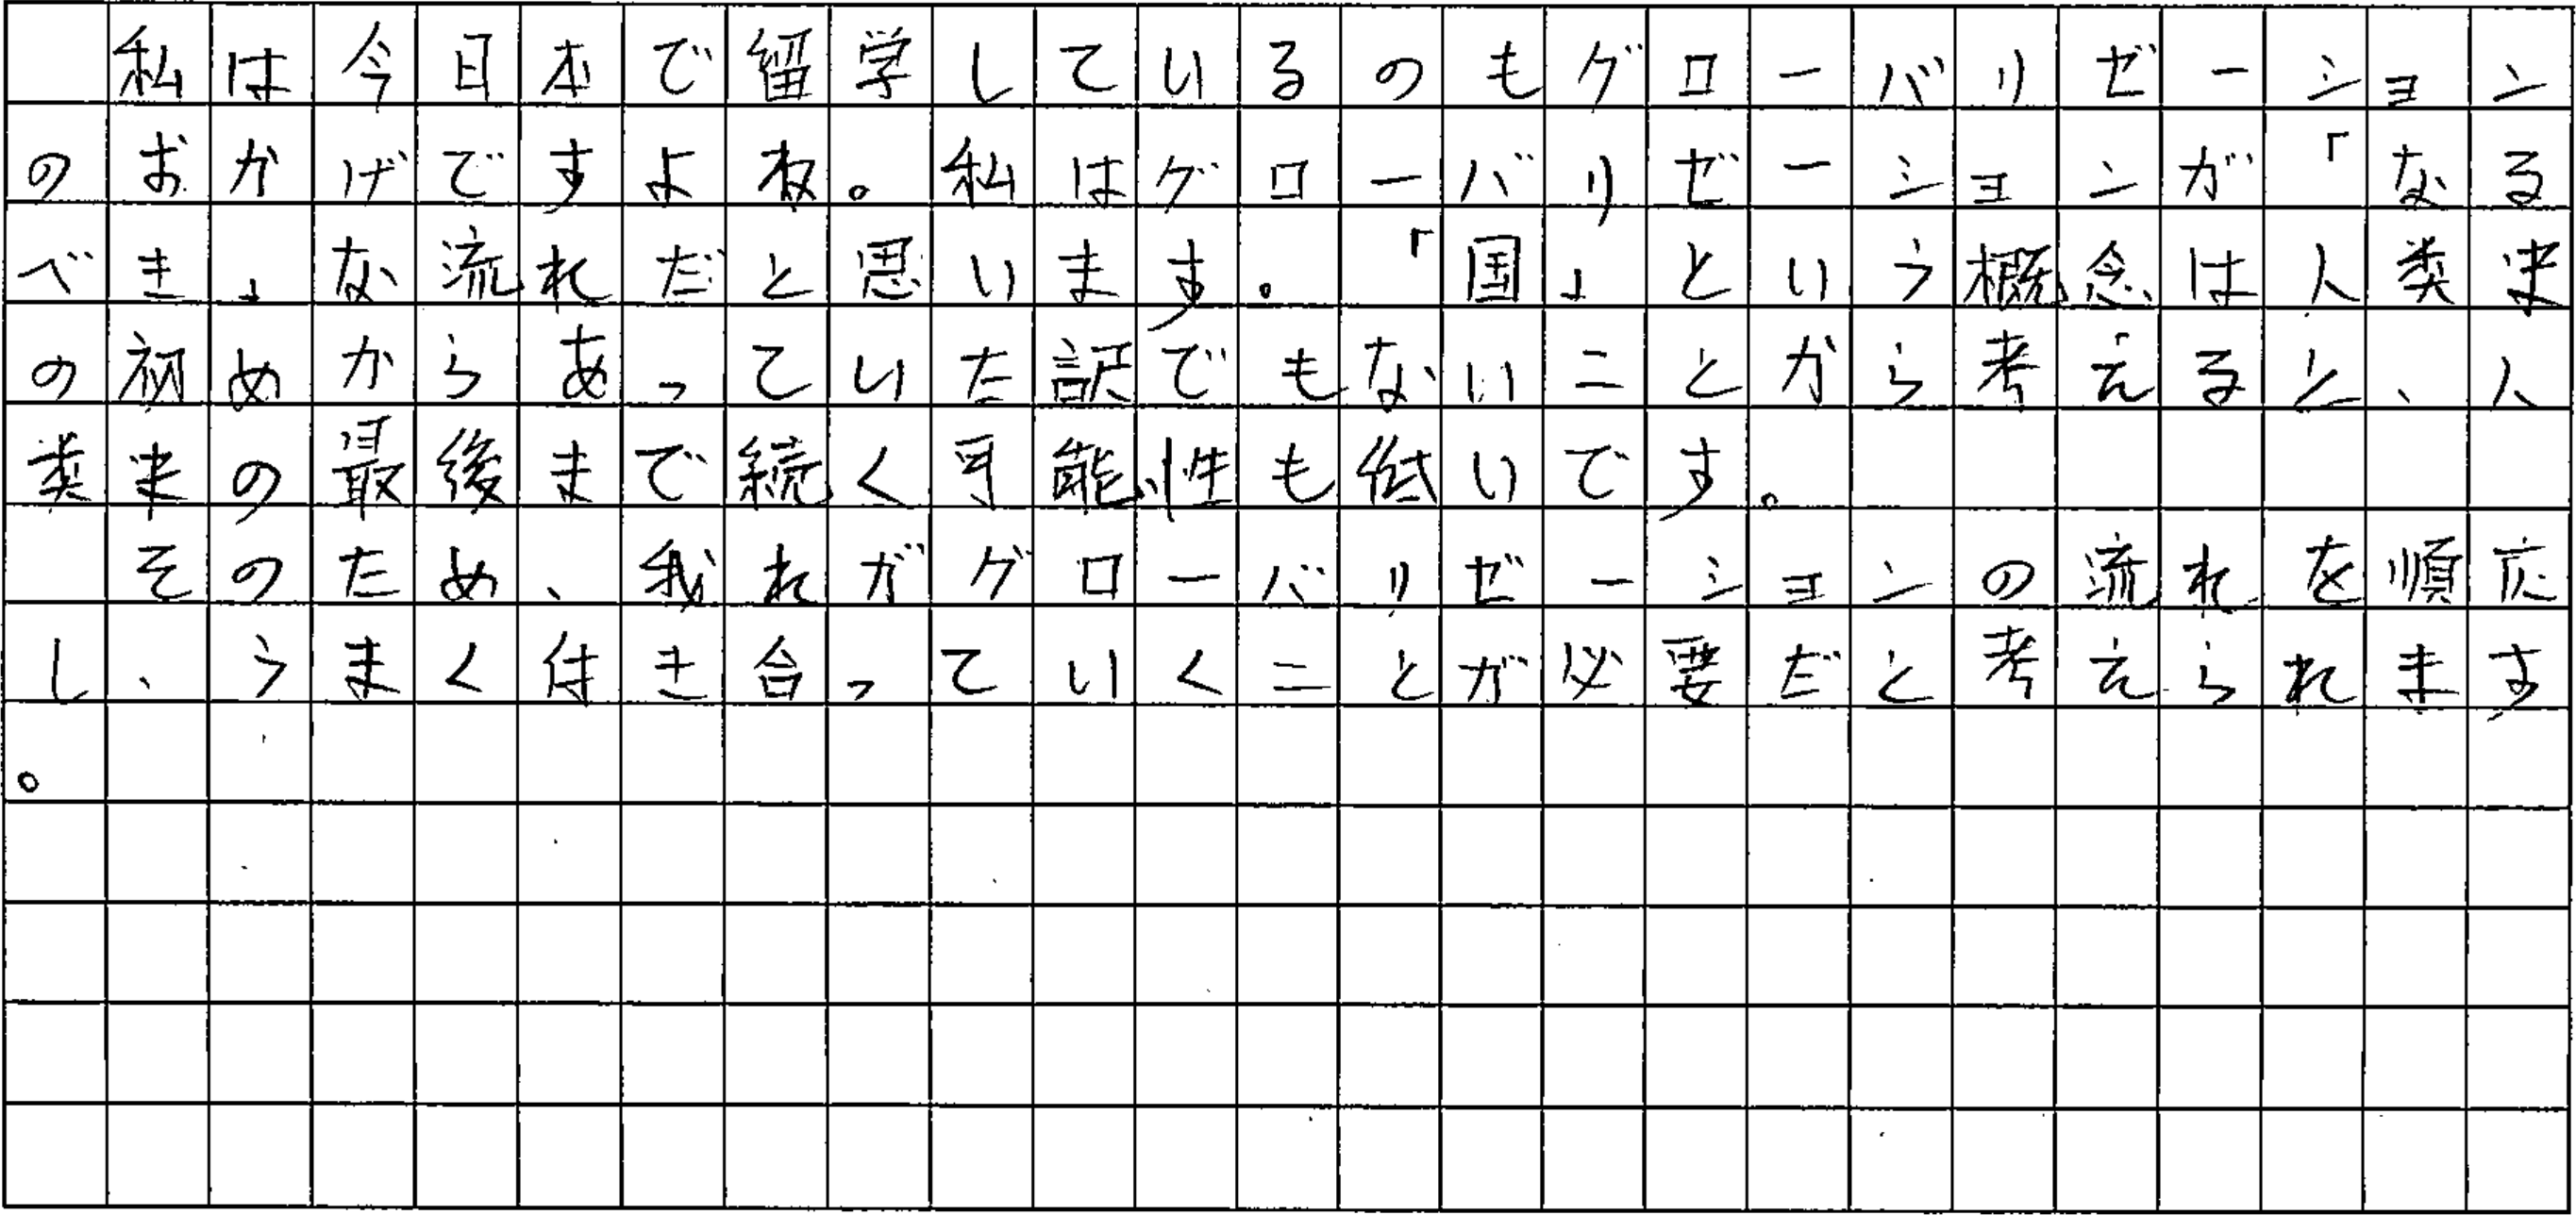　私は今日本で留学しているのもグローバリゼーションのおかげですよね。私はグローバリゼーションが「なるべき」な流れだと思います。「国」という概念は人▁史の▁めからあっていた訳でもないことから考えると、人▁史の最後まで続く可能性も低いです。
　そのため、我れがグローバリゼーションの流れを順応し、うまく付き合っていくことが必要だと考えます。
